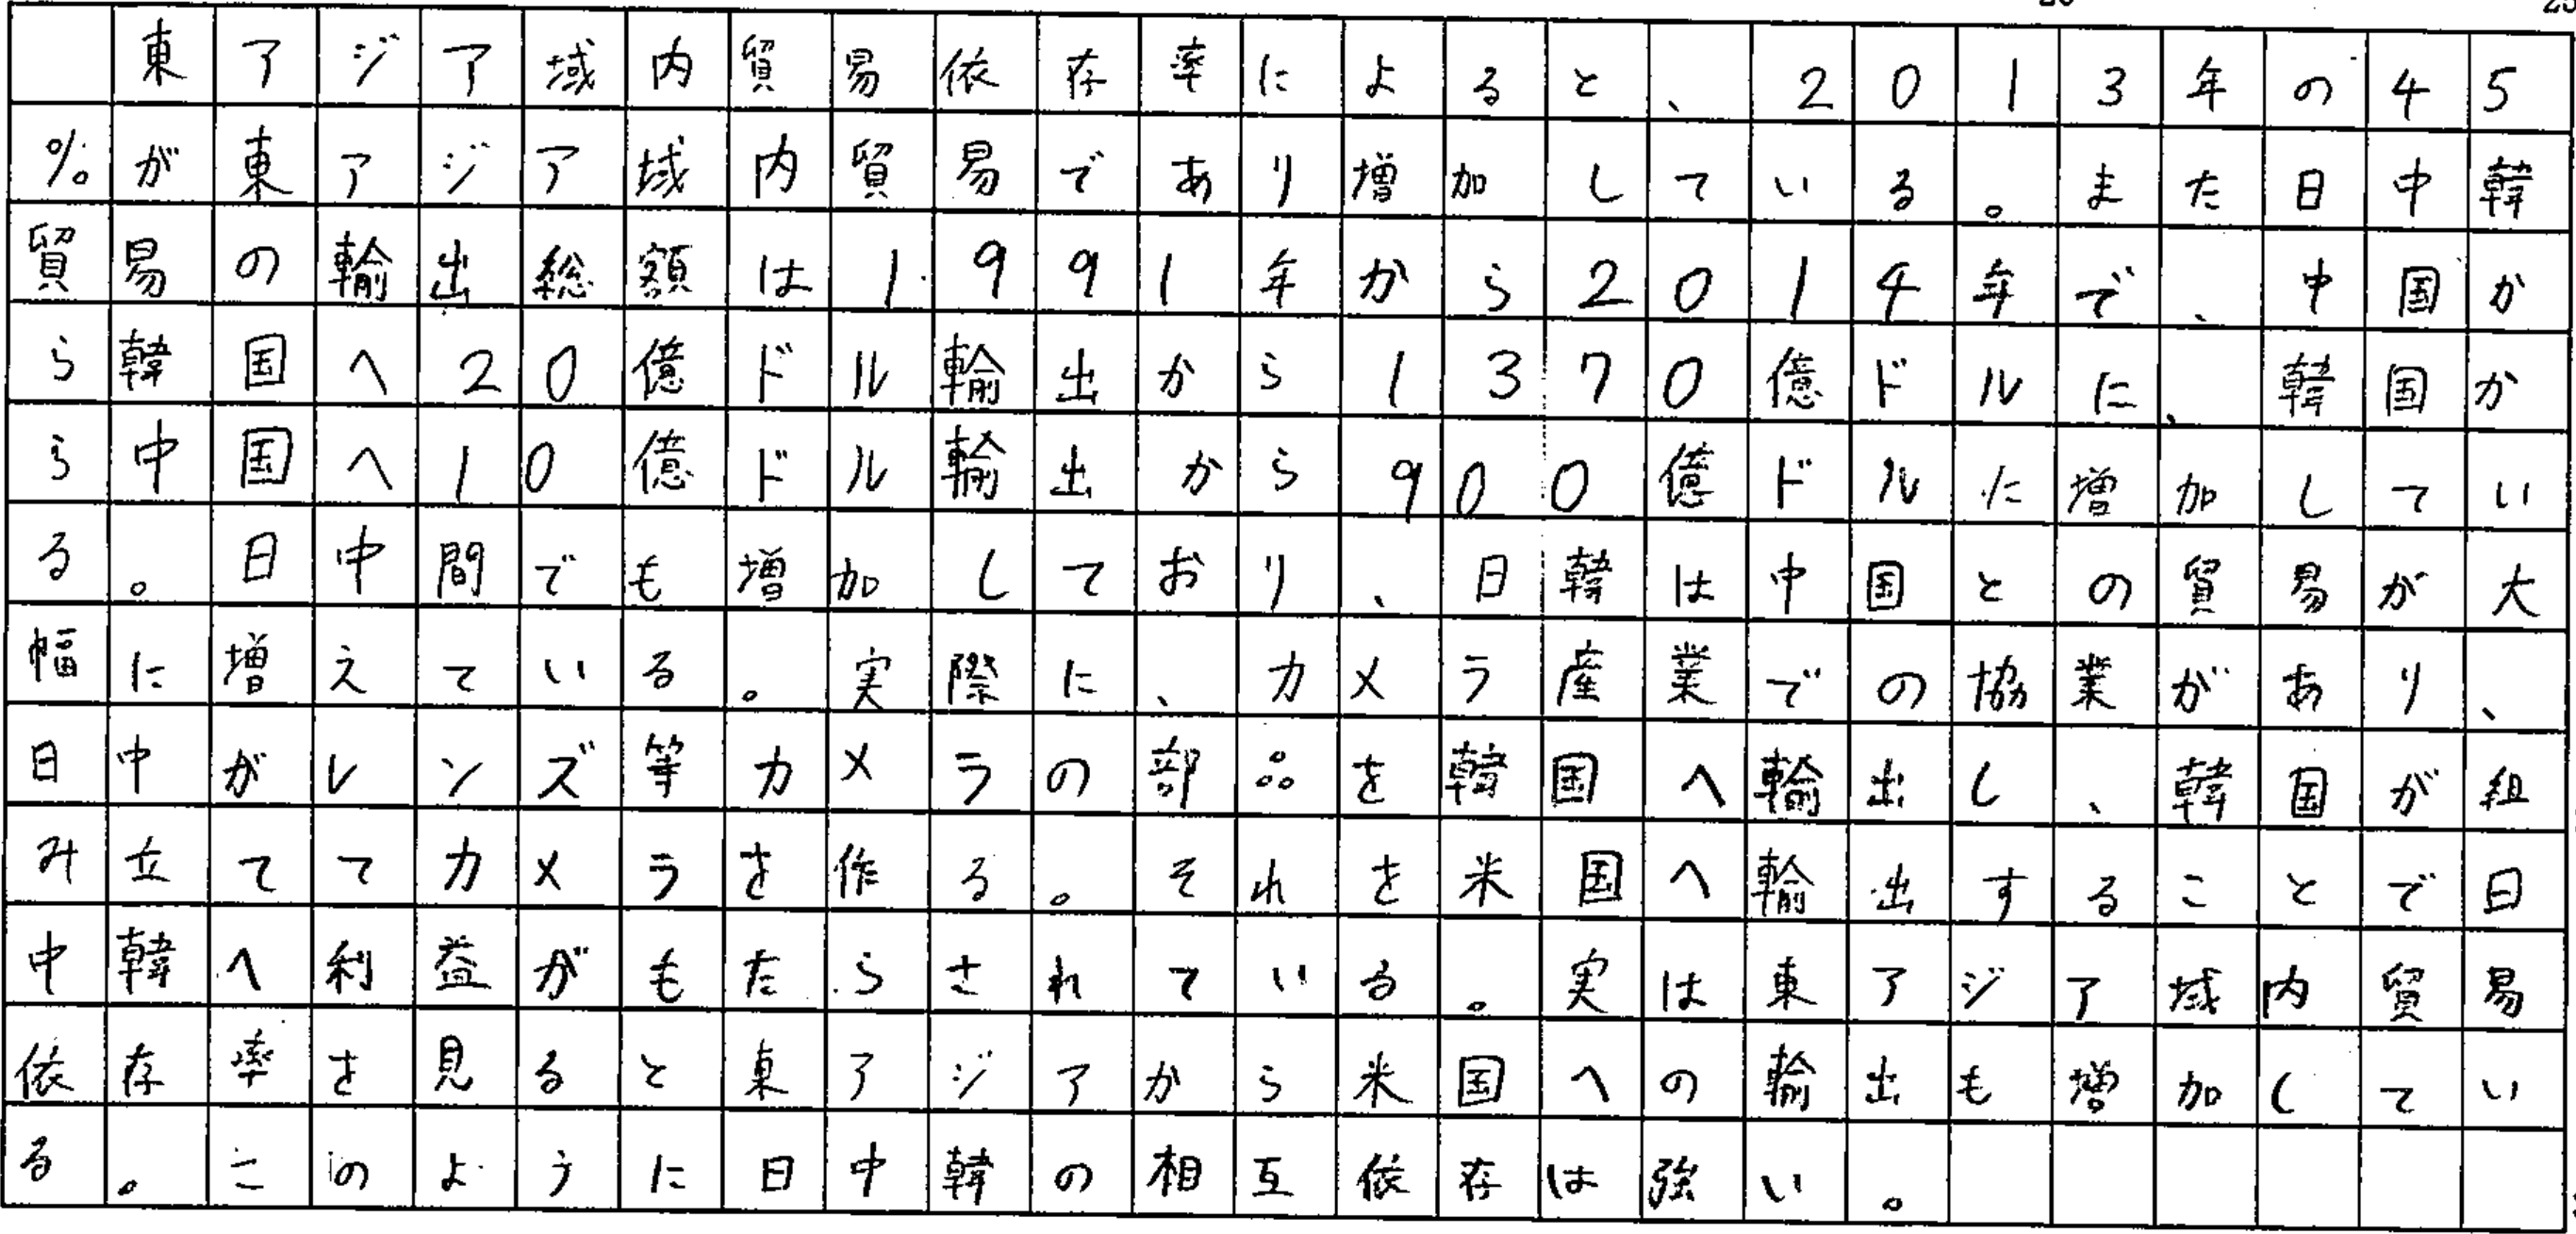　東アジア域内貿易依存率によると、２０１３年の４５％が東アジア域内貿易であり増加している。また日中韓貿易の輸出総額は１９９１年から２０１４年で、中国から韓国へ２０億ドル輸出から１３７０億ドルに、韓国から中国へ１０億ドル輸出から９００億ドルに増加している。日中間でも増加しており、日韓は中国との貿易が大幅に増えている。実際に、カメラ産業での協業があり、日中がレンズ等カメラの部品を韓国へ輸出し、韓国が組み立ててカメラを作る。それを米国へ輸出することで日中韓へ利益がもたらされている。実は東アジア域内貿易依存率を見ると東アジアから米国への輸出も増加している。このように日中韓の相互依存は強い。
